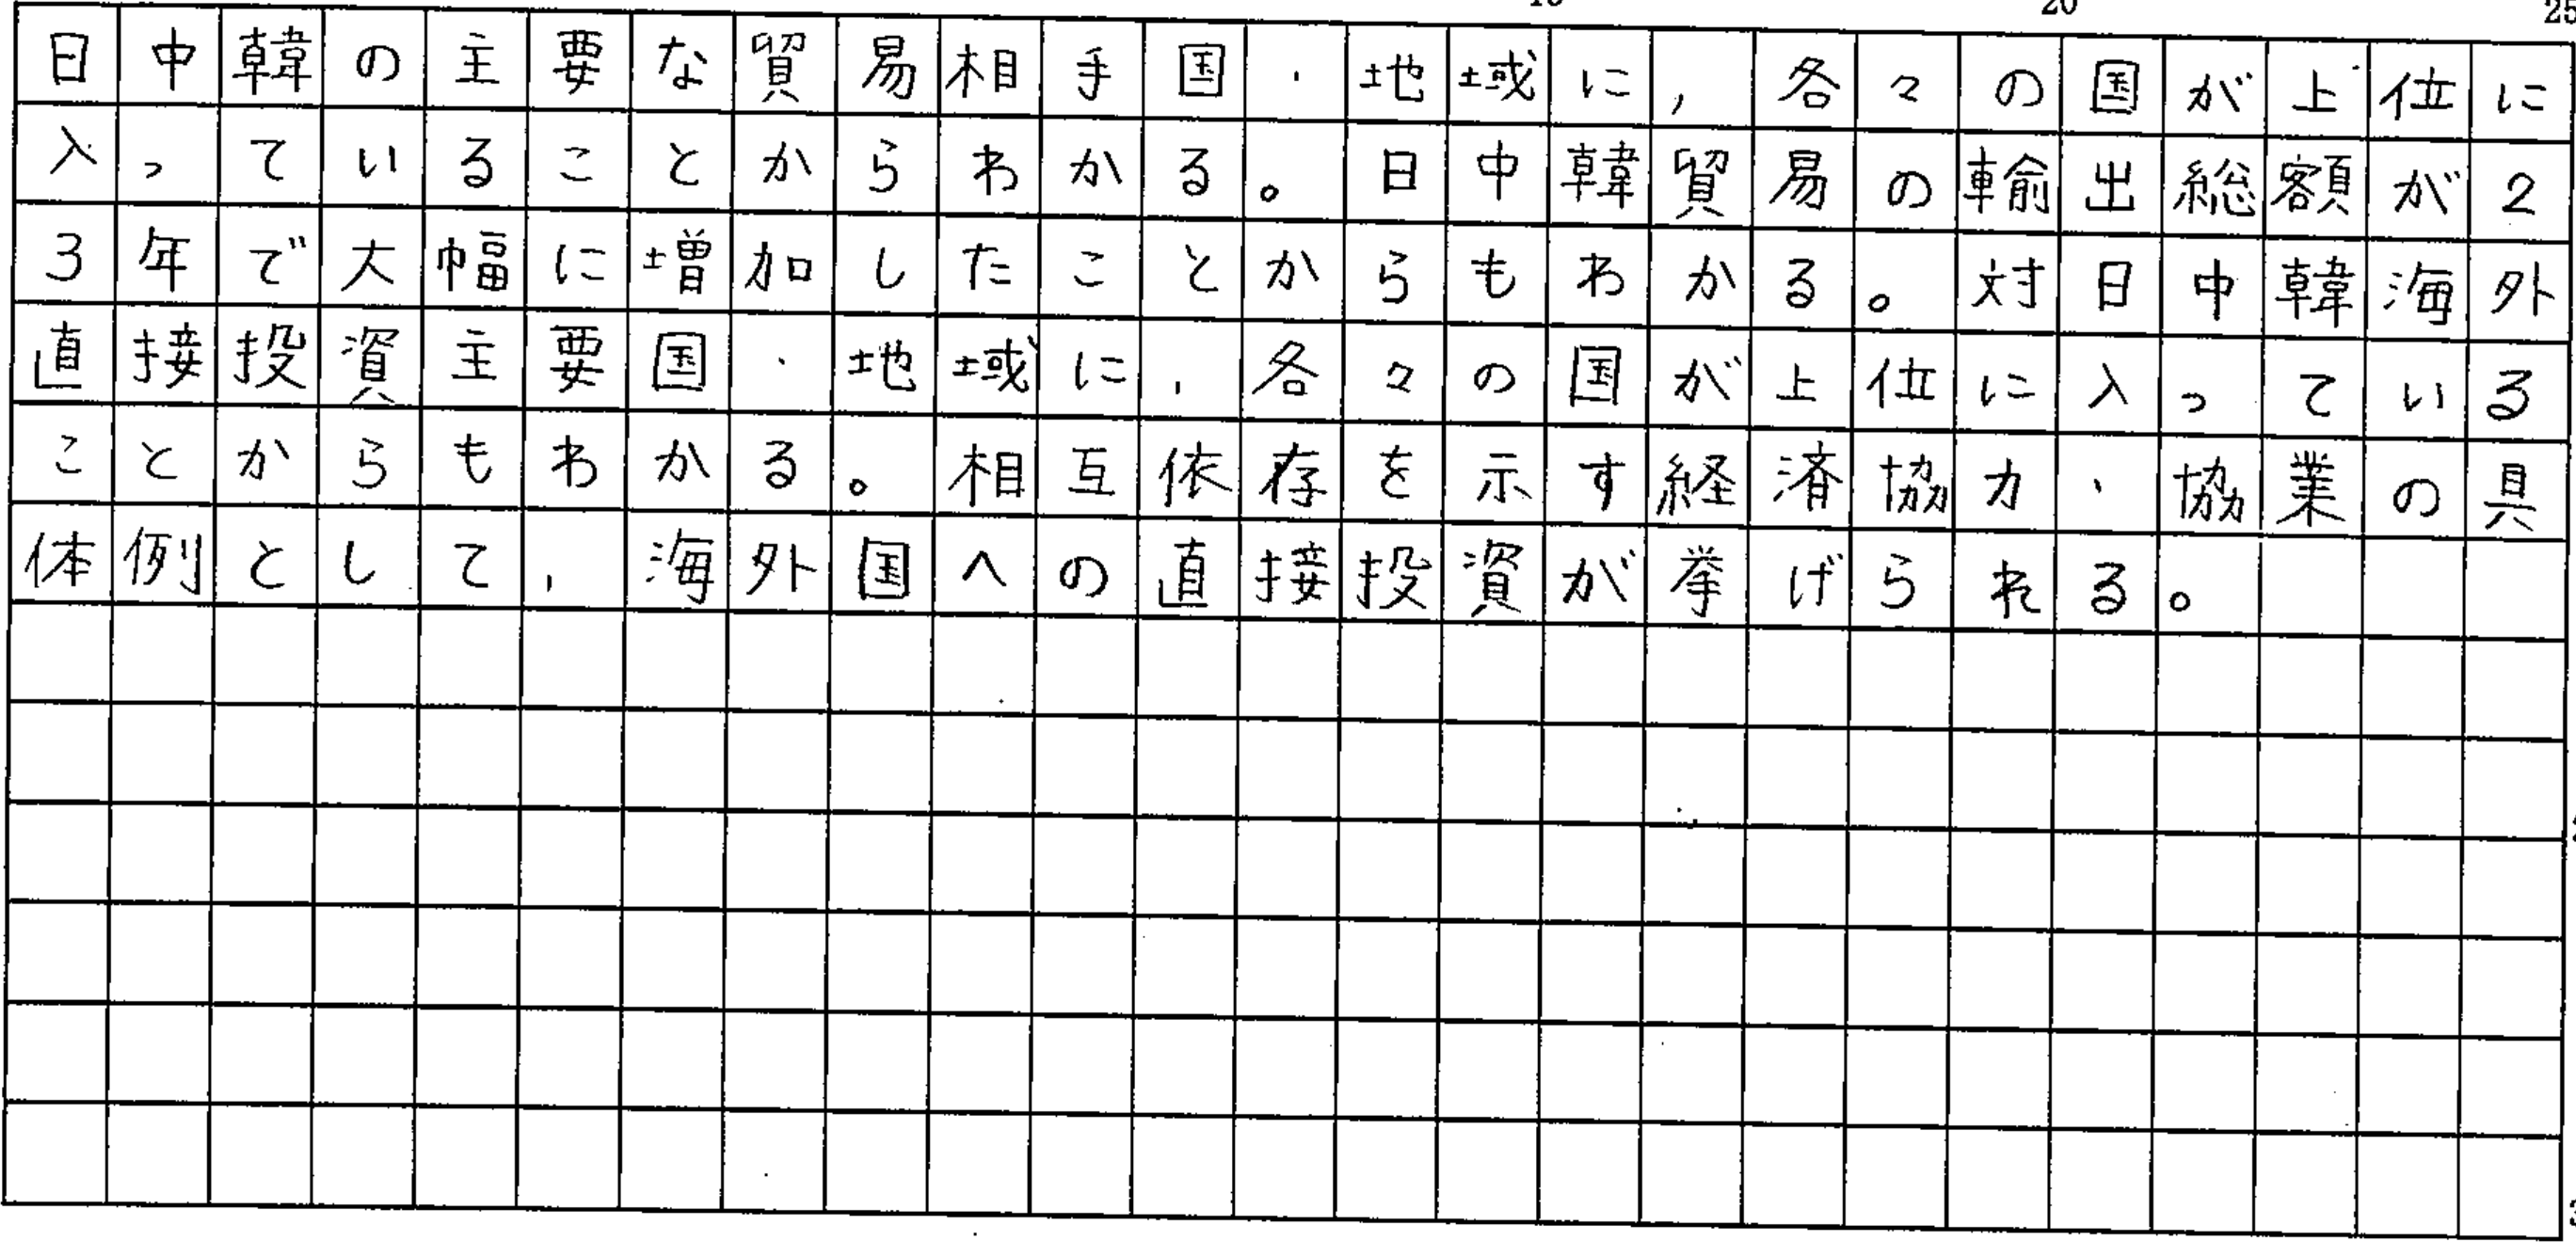日中韓の主要な貿易相手国・地域に，各々の国が上位に入っていることからわかる。日中韓貿易の輸出総額が２３年で大幅に増加したことからもわかる。対日中韓海外直接投資主要国・地域に，各々の国が上位に入っていることからもわかる。相互依存を示す経済協力・協業の具体例として，海外国への直接投資が挙げられる。
